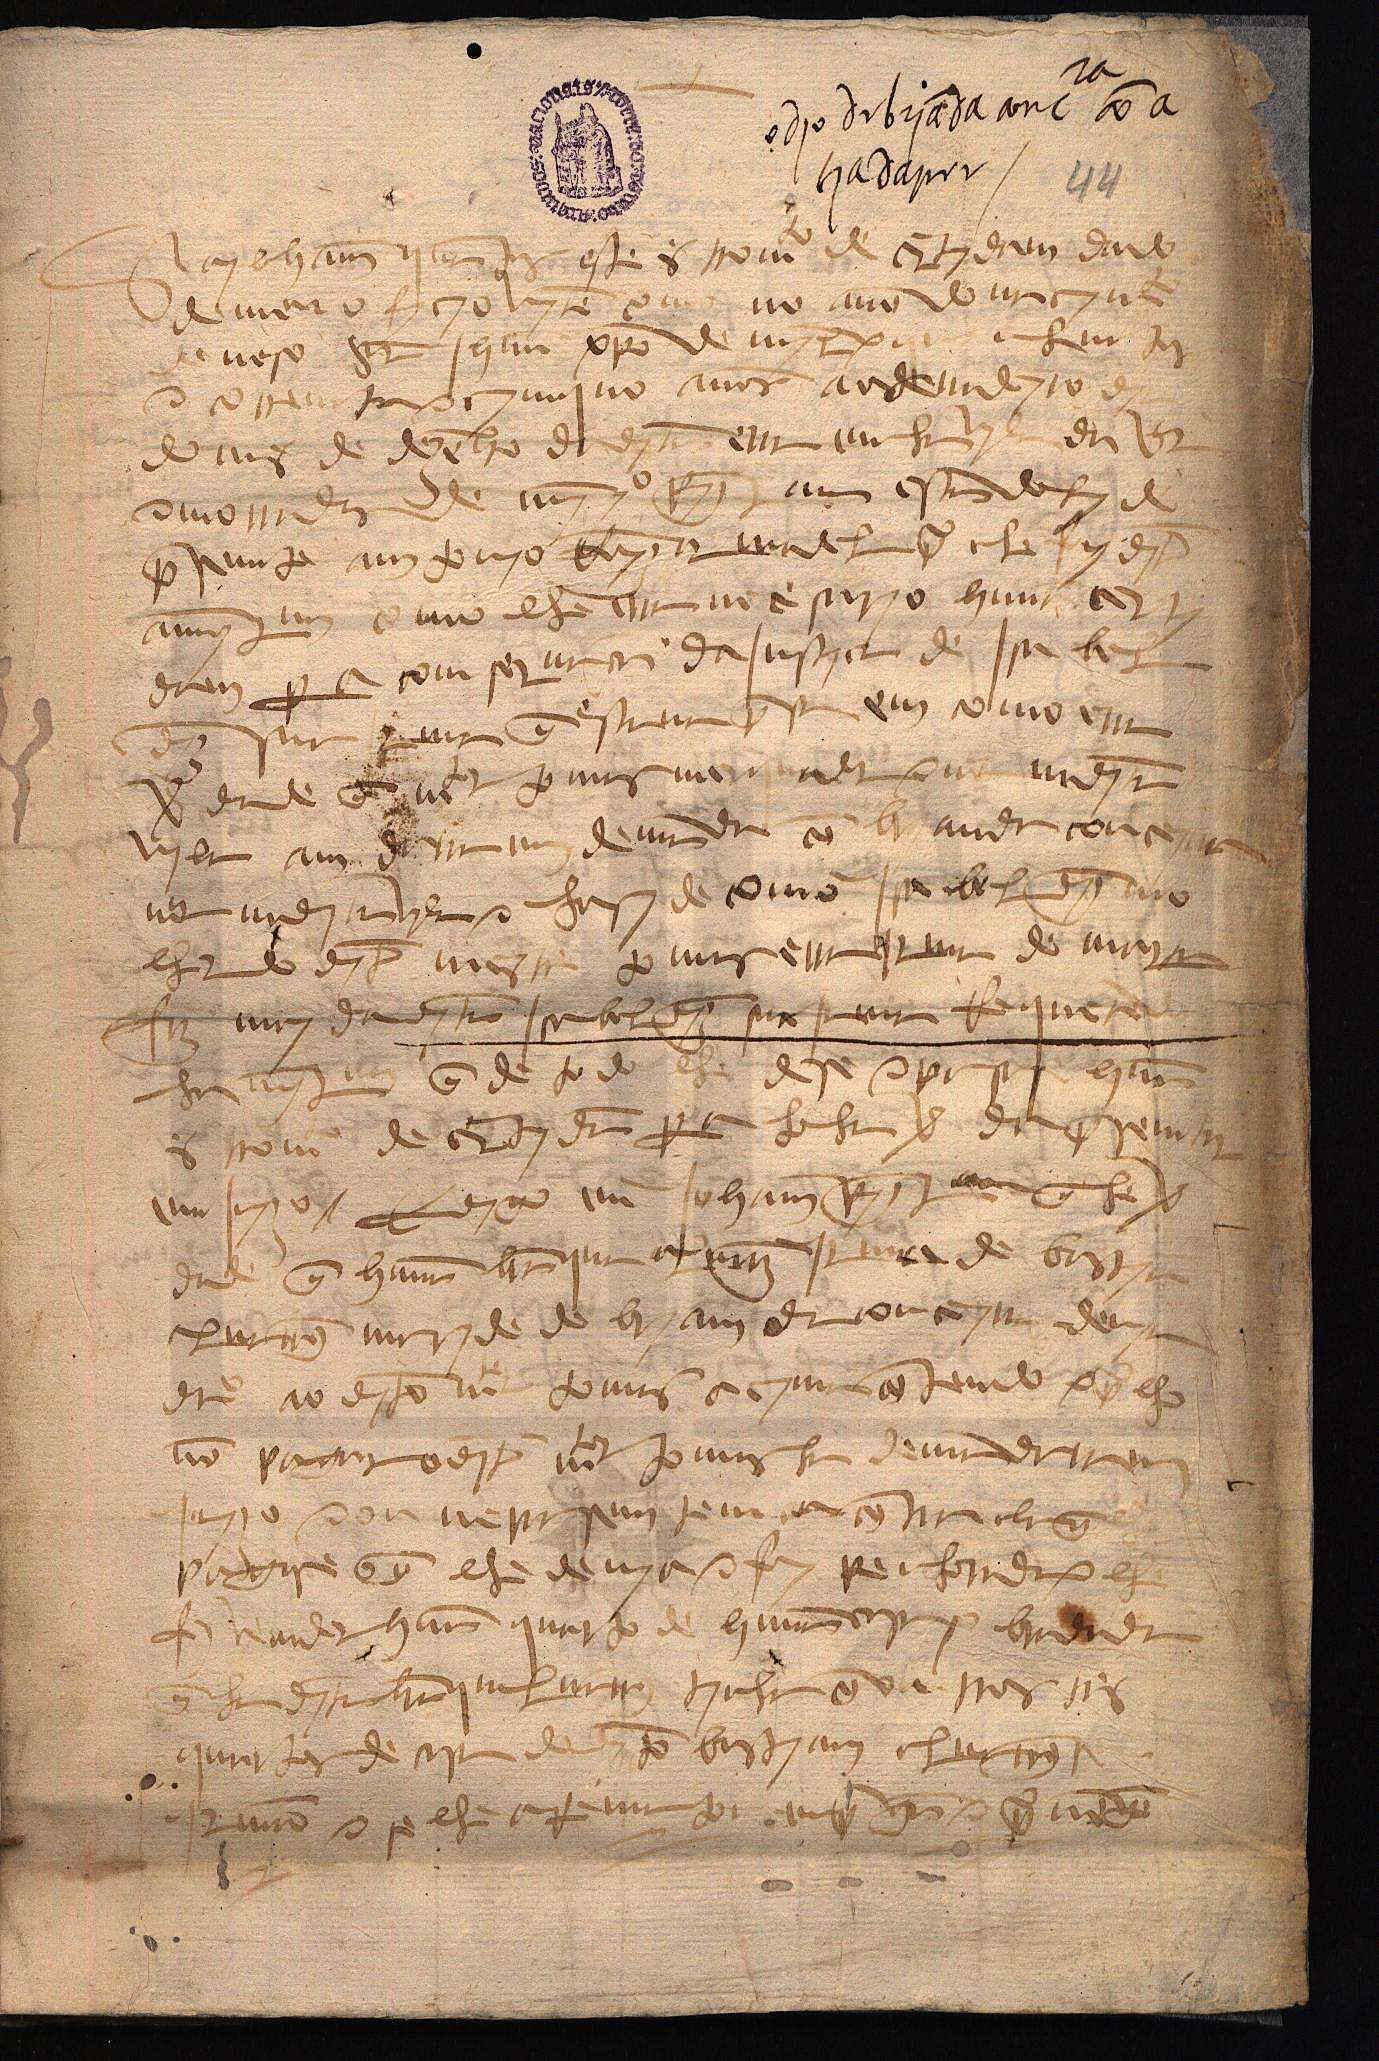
odjo de brjāda coucra cō a
tja da ree
Sajbham quantos este estromto de certjdam dado
de meu ofjcjo vjr̄e como no anō do nacjmto
de noso Sor̄ Jhuū xpō de mjl e qujnhentos
e corremta e cjmquo anos̄ ao derradejro dja
do mes de dezēbro da djta erra en ha vjla davro
e morradas de mj̄ yo pj̄z tam estādo hj de
p̄semte amtonjo Rōjz armadeL p̄o ele foj djto
a m̄y tam como lhe erra necesarjo huuā certj
dam ꝑa comseruaçā da Justjça de JsabeL
dj̄z sua Jrma q̄ estaua p̄sa em como erra
ꝟdade q̄ mter tomas merquador e uernadj̄ ta
vjla amdarra em demāda c̄o brjanda coucejrra
uernadj̄ tavjla e hasj de como JsabeL dj̄z mo
lher do djto mestre tomas erra Jrma de marta
frz̄ maj da dita Jsabel dj̄z sua jrma Requerēdo
ha mj̄ tam q̄ de todo lhe dese e pasase huū
estromto de certjdā ꝑa ho haꝟ dap̄semtar
em Jujzo / E djgo eu Joham pj̄z tam q̄ he ꝟ
dade q̄ hūua brāqua alur̄rz Jrma de bastjā
aluarrez marjdo de brjamda coucejrra deuja
dro ao djto mter tomas acjma cōteudo e p̄o lho
n̄o pagar o djto mter tomas ha demādara em
Jujzo e ouuerra semtemça cōtra ela q̄ lhe
pagase o q̄ lhe deuja e foj penhorada e lhe
fez vemder huū quarto de huūa casa sobradada
q̄ ha djta br̄aquaLuarrz̄ tjnha c̄o outros tres
quartos de casa do djto bastjam aLuar̄rz seu
Jrmão e se lhe aRematou em p̄ḡa e p̄o nēgē
